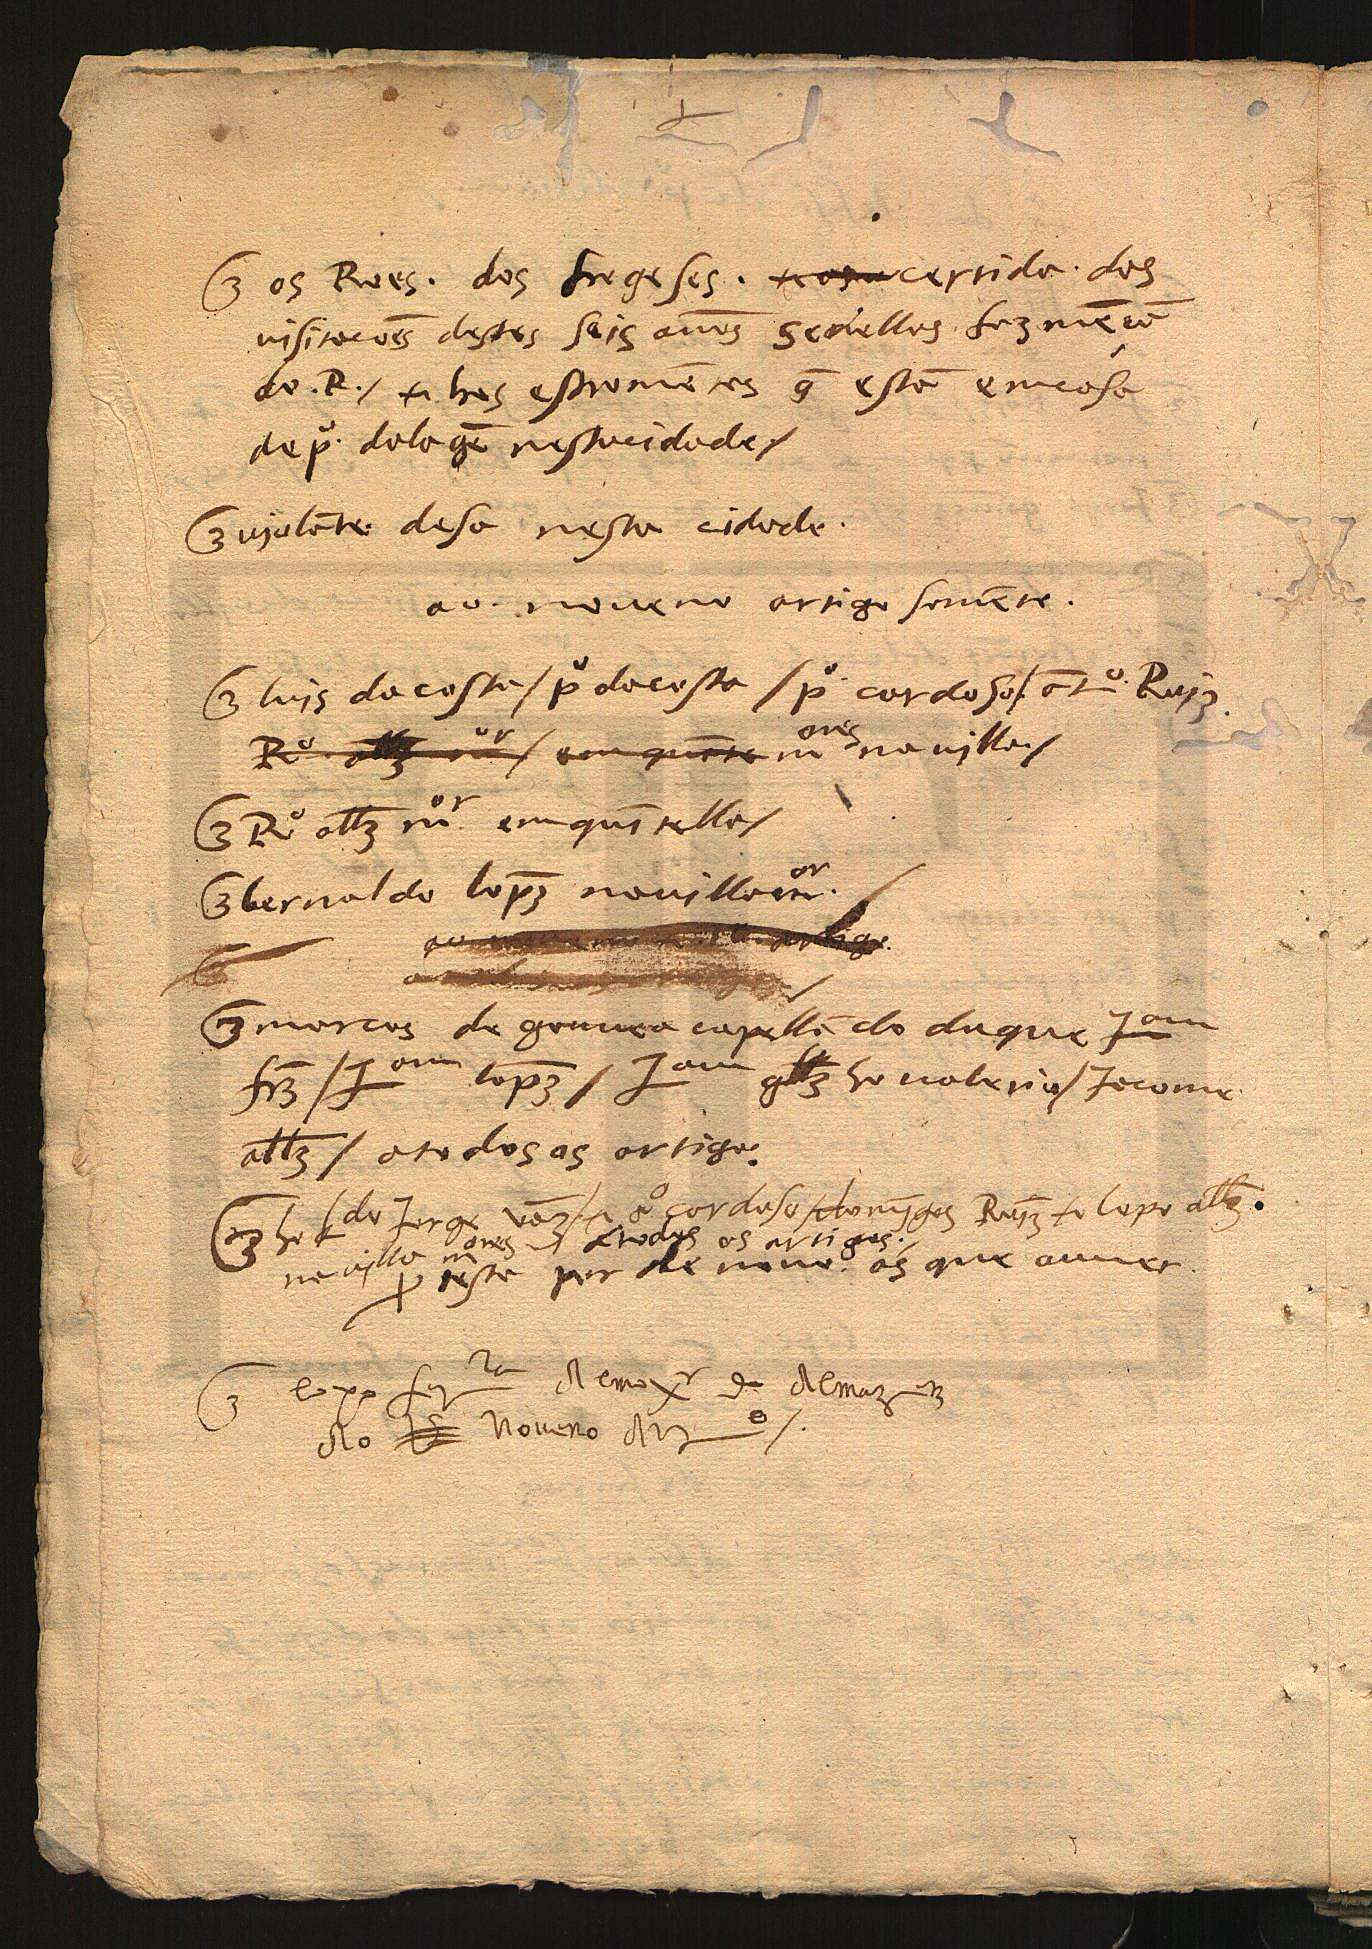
item os Roes. dos fregeses. e _ certida das
uisitacões destes seis an̄os se nelles fez mēçā
do .R./ e hos estromētos q̄ estā em casa
de po. da lagē nesta cidade /
item ujolāte de sa nesta cidade.
ao. noueno artigo somēte.
item lujs da costa / po da costa / po. cardoso / ālo. Rujz.
mores na uilla /
item Ro al̄lz mor. em quītella /
item bernaldo lop̄z na uilla e mor.
item marcos de gouuea capellā do duque Iam
fr̄z / Iam lop̄z / Iam gl̄lz ho ualerio / Iacome
al̄lz / a todos os artigos.
item ho Ldo Jorge vāz / e ao cardoso / e domj̄gos Rūiz e lopo al̄lz
na ujlla mores a todos os artigos.
ꝓtesta por de nouo as que ouuer
item lopo ferra Almoxr de Almazem
Ao R noueno Arto /.
